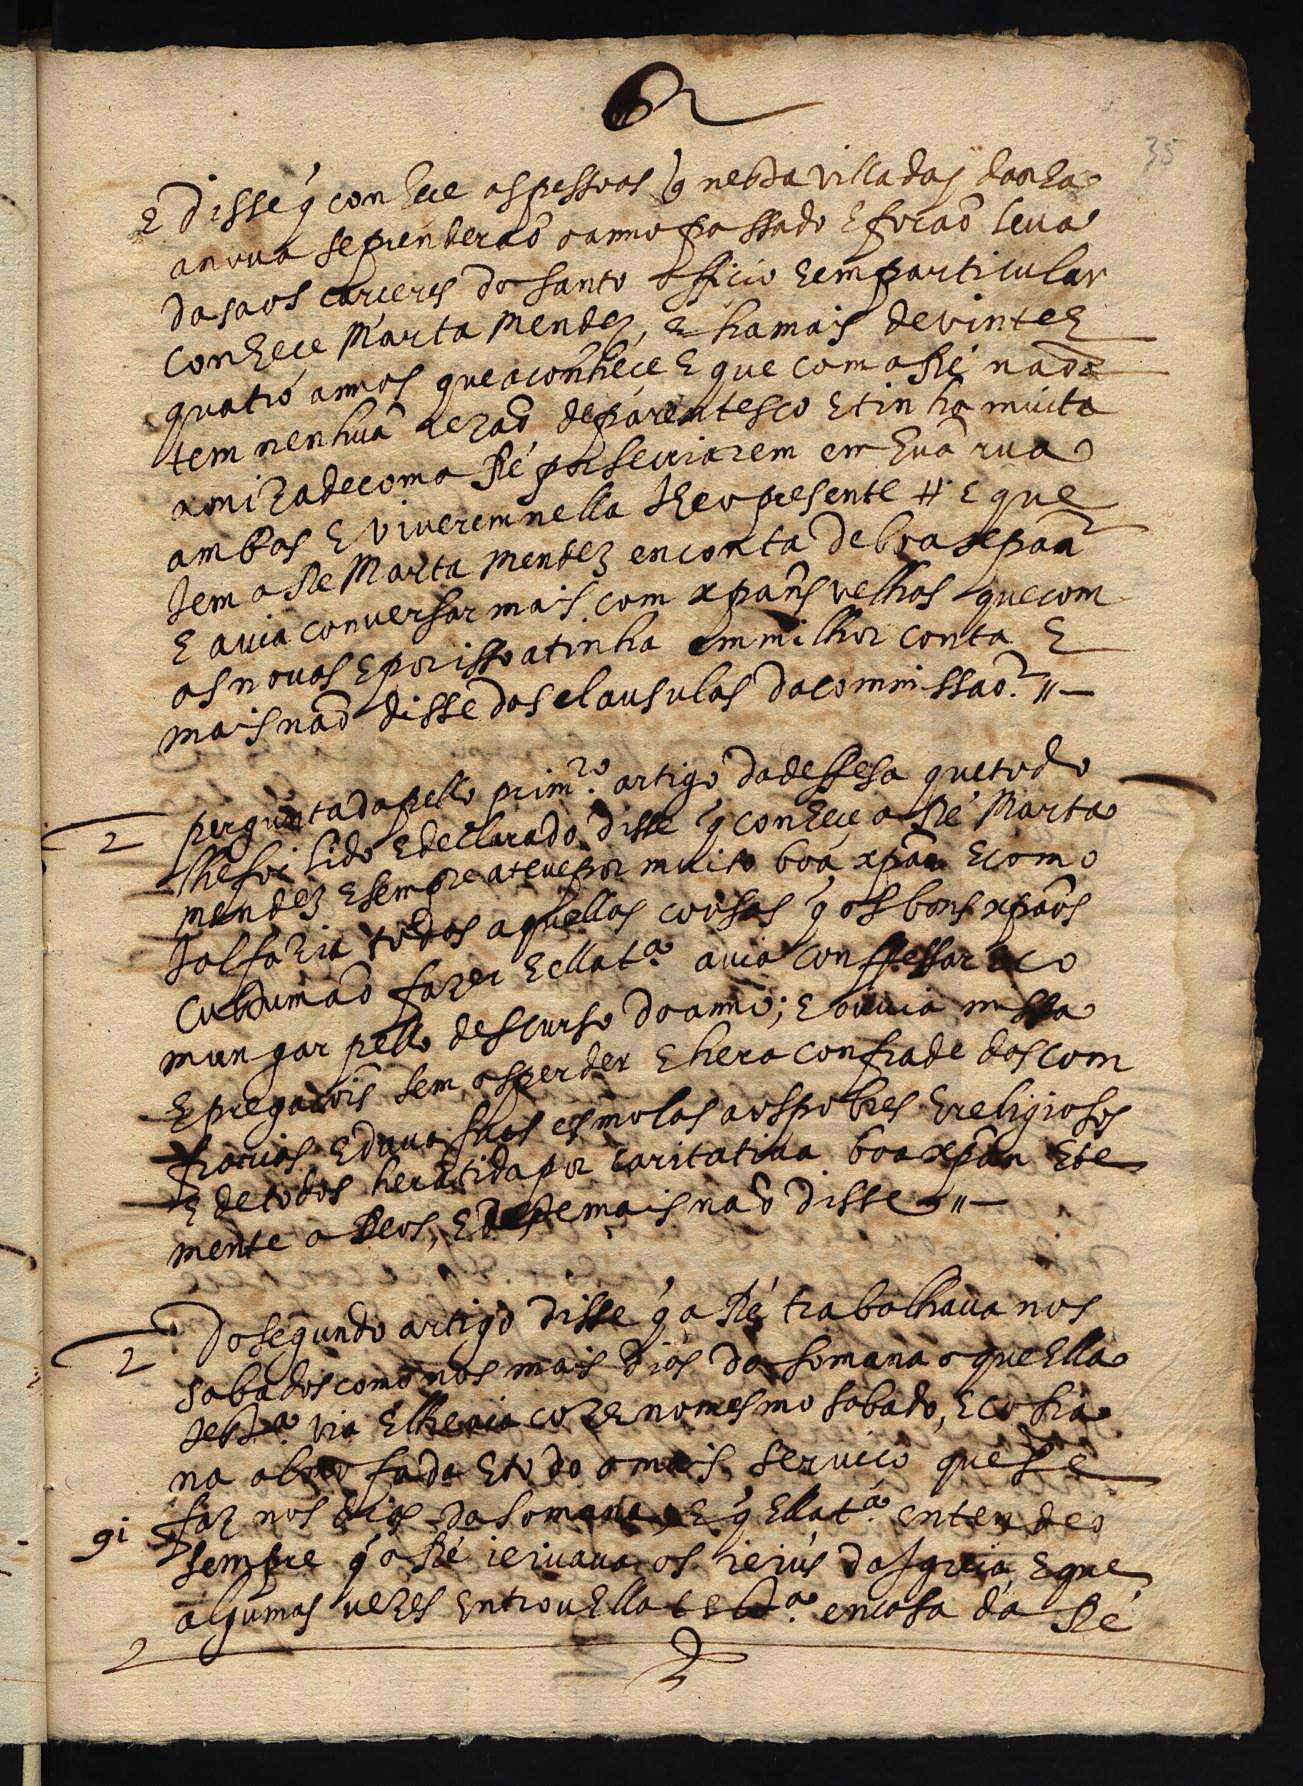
E disse q̄ conheçe as pessoas q̄ nesta villa da jdanha
a noua se prenderaõ o anno passado E foraõ leua
das aos carçeres do santo offiçio E em particular
conheçe Marta Mendez, E ha mais de vinte E
quatro annos que a conheçe E que com a Ré naõ
tem nenhuā rezaõ de parentesco E tinha muita
amizade com a Ré por se criarem em huā rua
ambas E viuerem nella the o presente
E que
tem a Re Marta Mendez en conta de boa xpaã
E a uia conuersar mais com xpan̄s velhas que com
as nouas E por isso a tinha em milhor conta E
mais não disse das clausulas da commissaõ. // -
item perguntada pello prim.ro artigo da deffesa que todo
lhe foi Lido E declarado disse q̄ conheçe a Ré Marta
mendez E sempre a teue por muito boa xpãa E como
tal fazia todas aquellas cousas q̄ os bons xpaõs
custumaõ fazer E ella ta. a uia conffessar _ co
mungar pello descurso do anno; E ouuia missa
E pregacõis sem os perder E hera confrade das com
frarias E daua suas esmolas aos pobres E religiosos
E de todos hera tida por caritatiua boa xpãm E te
mente a Deos, E d_ste mais naõ disse // -
item Do segundo artigo disse q̄ a Ré trabalhaua nos
sabados como nos mais dias da somana o que Ella
test.a via E lhe uia cozer no mesmo sabado, E cosia
na almofada E todo o mais seruiço que se
faz nos dias da somana, E q̄ Ella ta. entendeo
sempre q̄ a Ré ieiuaua os ieius da Jgreia, E que
algumas uezes Entrou Ella testa. en casa da Ré
